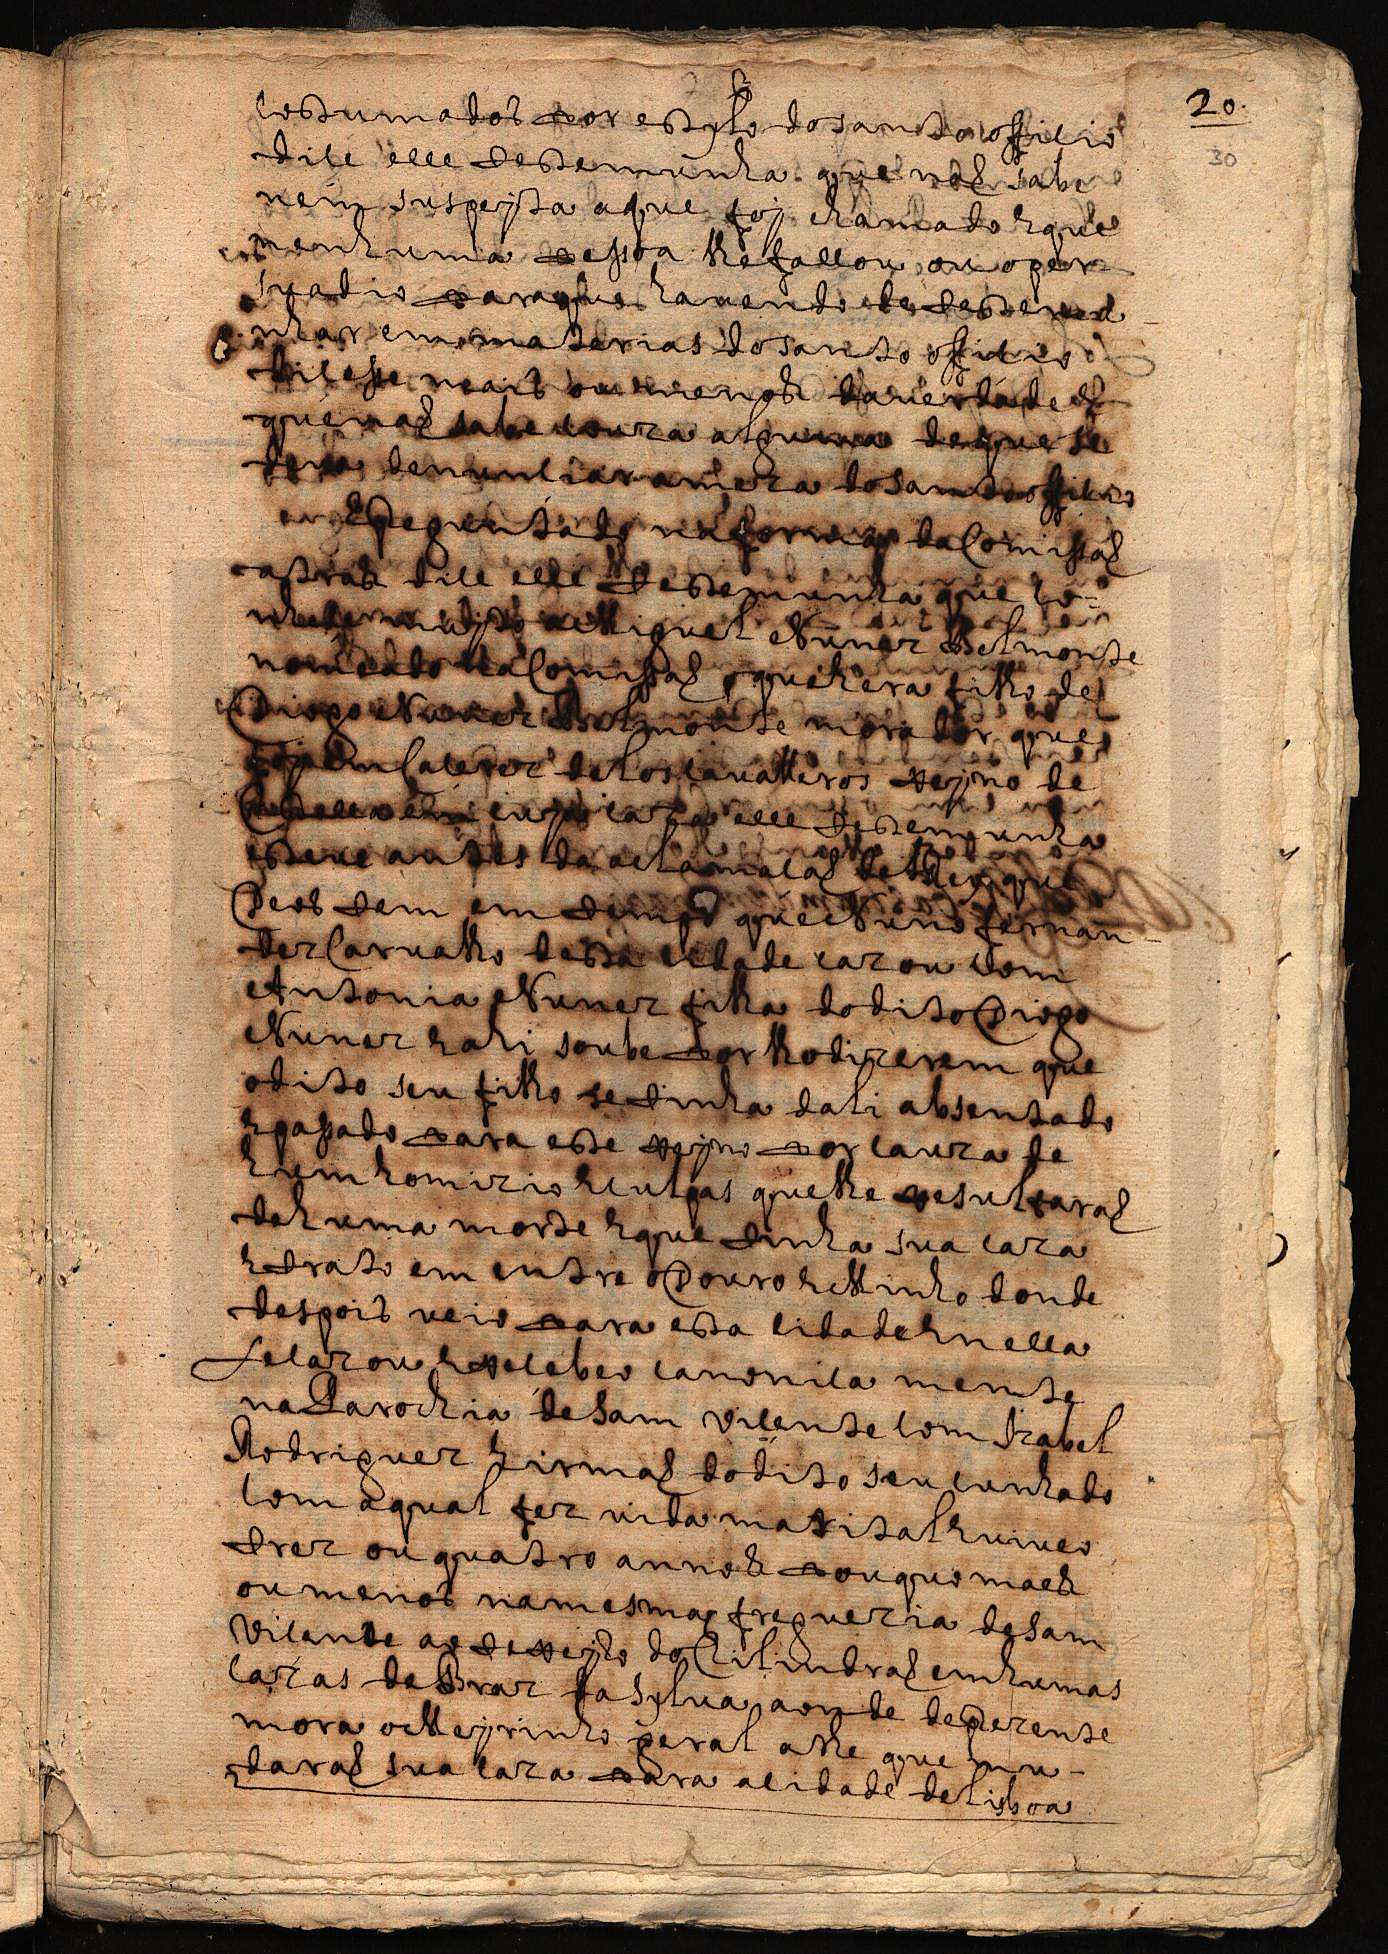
costumados por estylo do santo officio
dice elle testemunha que naõ sabe
nem suspejta a que foj chamado E que
nenhuma pessoa lhe fallou ou o per
suadio para que hauendo de testemu
nhar em materias do santo officio
dicesse mais ou menos da uerdade E
que naõ sabe couza alguma de que se
deua denunciar a meza do santo officio
E preguntado na forma da Comissaõ
atras dice elle testemunha que co
nhece mujto a Miguel Nunez Belmonte
nomeado na Comissaõ o qual hera filho de
Diogo Nunez Belmonte morador que
foj em Cacerez de los caualleros Rejno de
Castella em cuja caza elle testemunha
esteue antes da aclamaçaõ del Rey que
Deos tem em tempo que Nuno fernan
dez Carualho desta cidade cazou com
Antonia Nunez filha do dito Diogo
Nunez E ahi soube por lho dizerem que
o dito seu filho se tinha dali absentado
E passado para este Rejno por cauza de
hum homizio E culpas que lhe Resultaraõ
de huma morte E que tinha sua caza
E trato em entre o Douro E Minho donde
despois ueio para esta cidade E nella
se cazou E Recebeo canonicamente
na Parochia de sam Vicente com Izabel
Rodriguez hirmā do dito seu cunhado
com a qual fez vida marital E uiueo
trez ou quatro annos pouquo mais
ou menos na mesma freguezia de sam
Vicente ao teRejro do Chilindraõ em humas
cazas de Braz da Sylua aonde de prezente
mora o Mejrinho geral athe que mu
daraõ sua caza para a cidade de Lisboa
